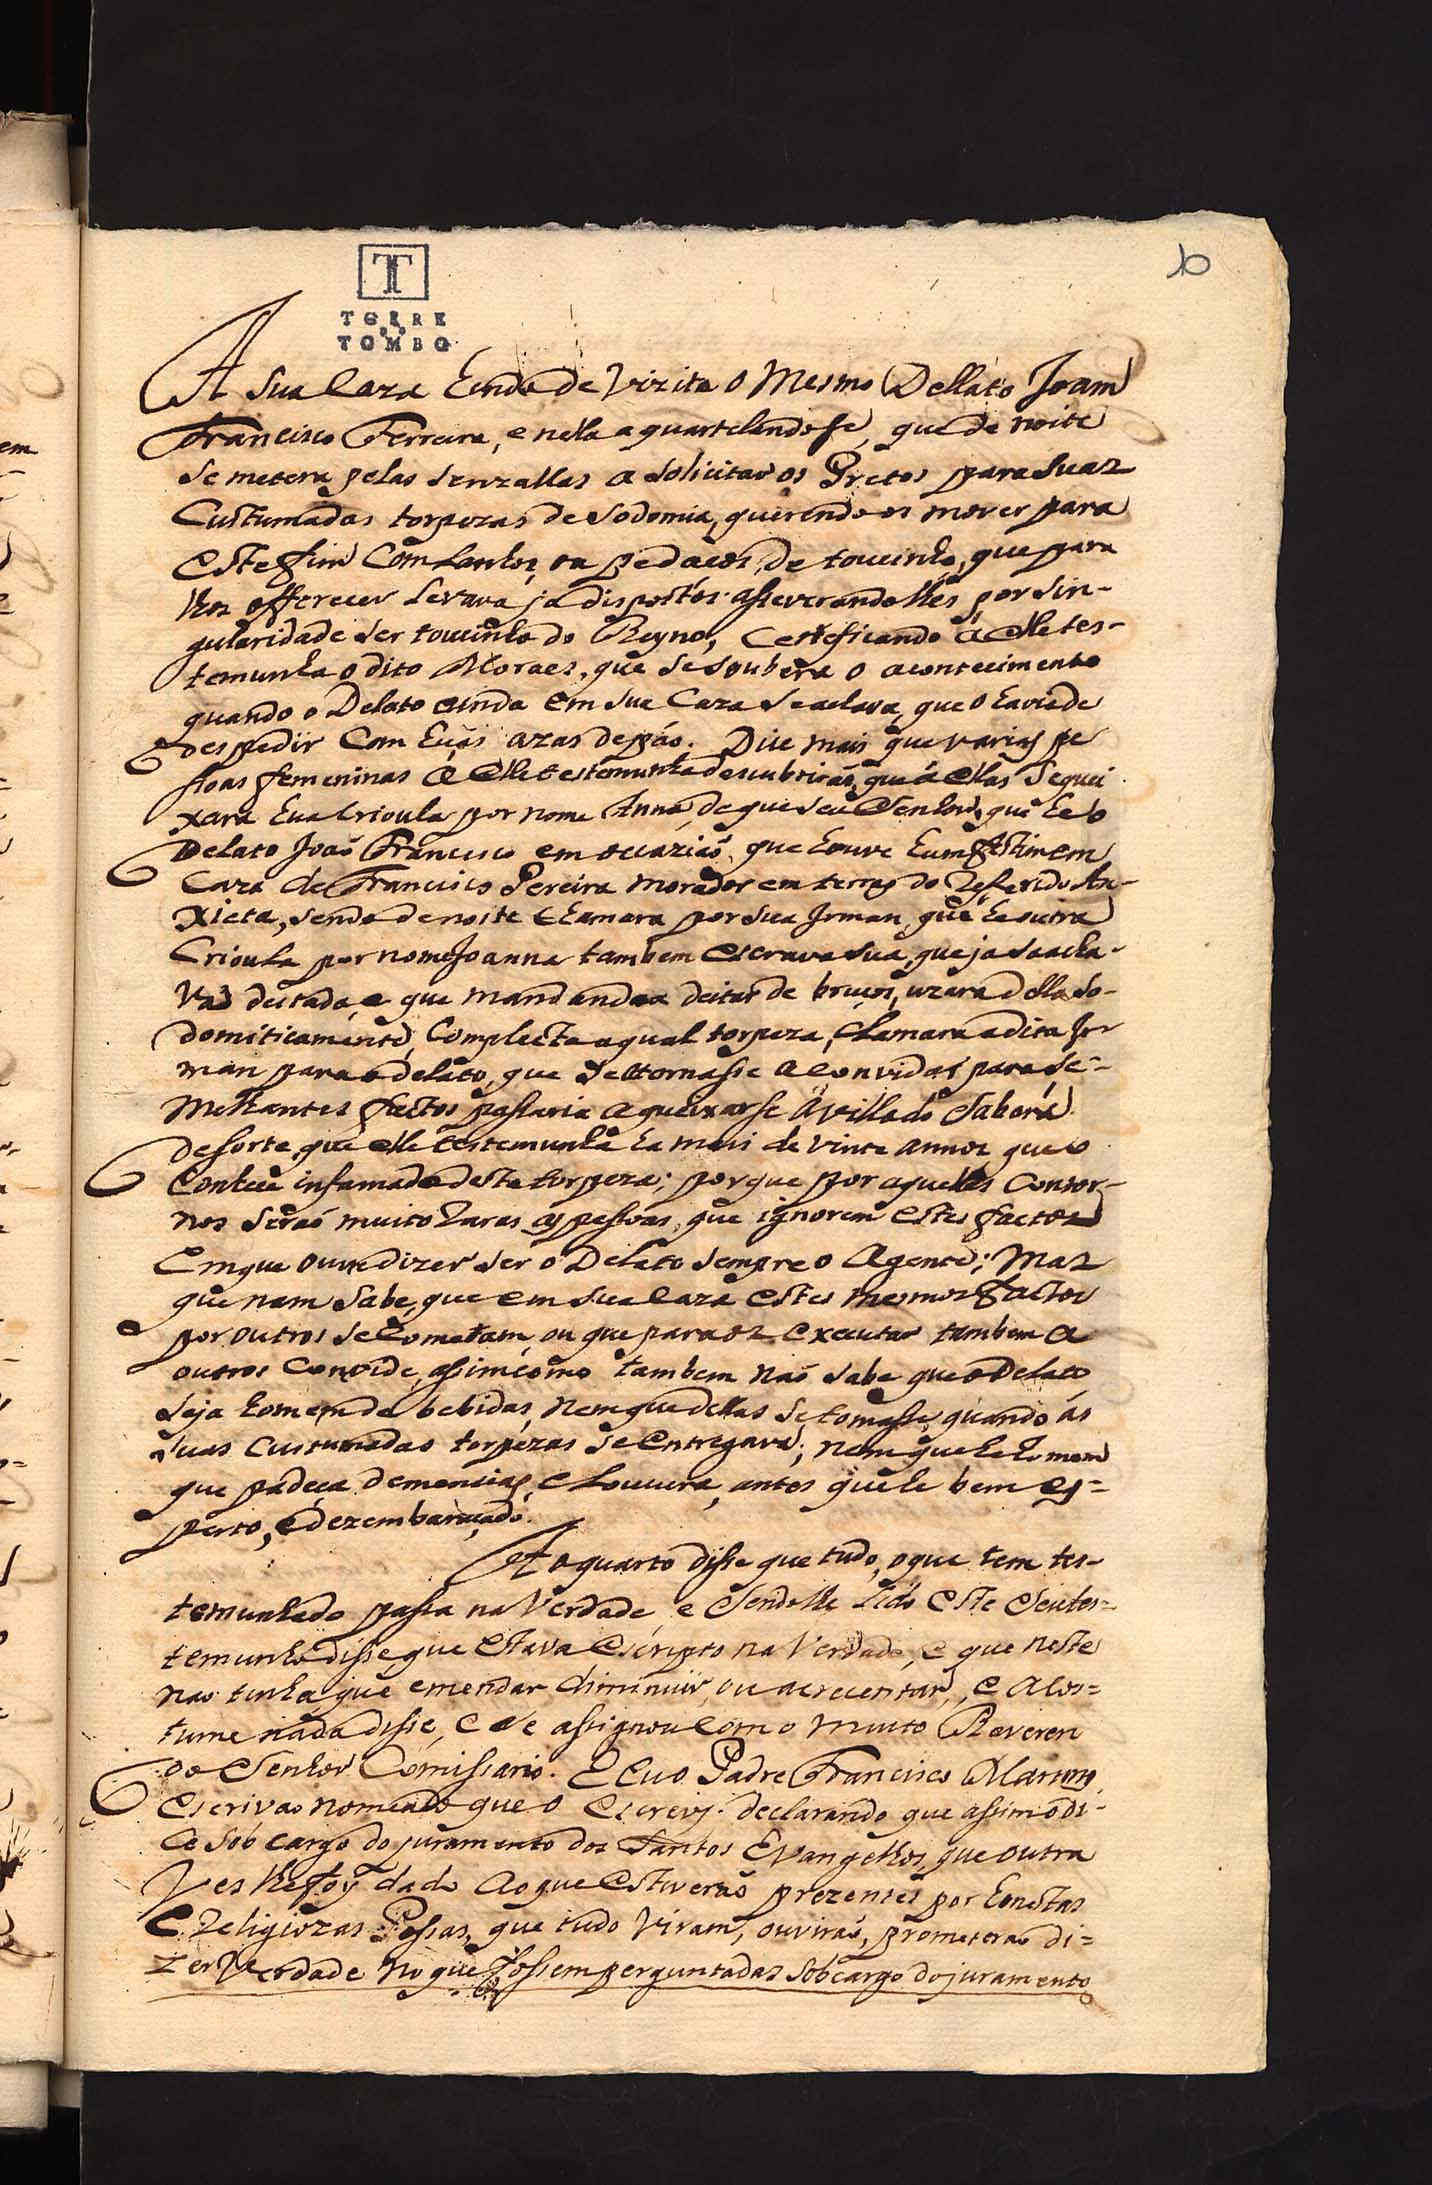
A sua caza hindo de Vizita o mesmo Dellato Joam
Francisco Ferreira, e nela aquartelandose, que de noite
se metera pelas senzallas a solicitar os Pretos para suaz
Custumadas torpezas de sodomia, querendo os mover para
Este fim com Lanhos, ou pedaços, de toucinho, que para
lhos offerecer Levava ja dispostos asseverandolhes por sin
gularidade ser toucinho do Reyno, Certeficando a elle tes
temunha o dito Moraes, que se soubera o acontecimento
quando o Delato ainda em sua caza se achava, que o havia de
despedir com huās azas de páo. Dise mais que varias pe
ssoas femeninas a elle testemunha descubriraõ, que á ellas Se quei
xara hua crioula por nome Anna, de que seu Senhor do que he o
Delato Joaõ Francisco em occaziaõ que houve hum festim em
Caza de Francisco Pereira morador em terras do Referido An
xieta, sendo de noite chamara por sua Jrman, que he outra
Crioula por nome Joanna tambem escrava sua que ja se acha
vaõ deitada, e que mandandoa deitar de bruços, uzara della so
domiticamente, Complecta a qual torpeza, cLamara a dita Jr
man para o delato, que se a tornasse a convidar para se
melhantes factos passaria a queixarse a villa do Sabará.
de sorte, que elle testemunha ha mais de vinte annos que o
Conhece infamado desta torpeza; porque por aquelles contor
nos seraõ muito Raras as pessoas, que ignorem estes factoz
Em que ouve dizer ser o Delato sempre o Agente; maz
que nam sabe, que em sua caza estes mesmoz factoz
por outros se cometam, ou que para oz executar tambem a
outros convide, assim como tambem naõ sabe que o Delato
seja homem da bebidas, nem que dellas se tomasse quando ás
suas custumadas torpezas se entregava; nem que he homem
que padeça demencias, e Loucura, antes que he bem es
perto, e dezembaraçado.
Ao quarto disse que tudo, o que tem tes
temunhado passa na Verdade, e Sendolhe Lido este seu tes
temunho disse, que estava escripto na Verdade, e que nestes
naõ tinha que emendar diminuir, ou acrecentar, e a cos
tume nada disse, e se assignou com o muito Reveren
do Senhor Comissario. E Eu o Padre Francisco Martins
Escrivao nomeado que o escrevj; declarando que assim o di
Ce sob cargo do juramento dos Santos Evangelhos, que outra
Ves lhe foy dado Ao que estiveraõ prezentes por honestas
E Religiozas Pesoas, que tudo viram, ouviraõ, prometerao di
zer Verdade no que fossem perguntadas sob cargo do juramento
